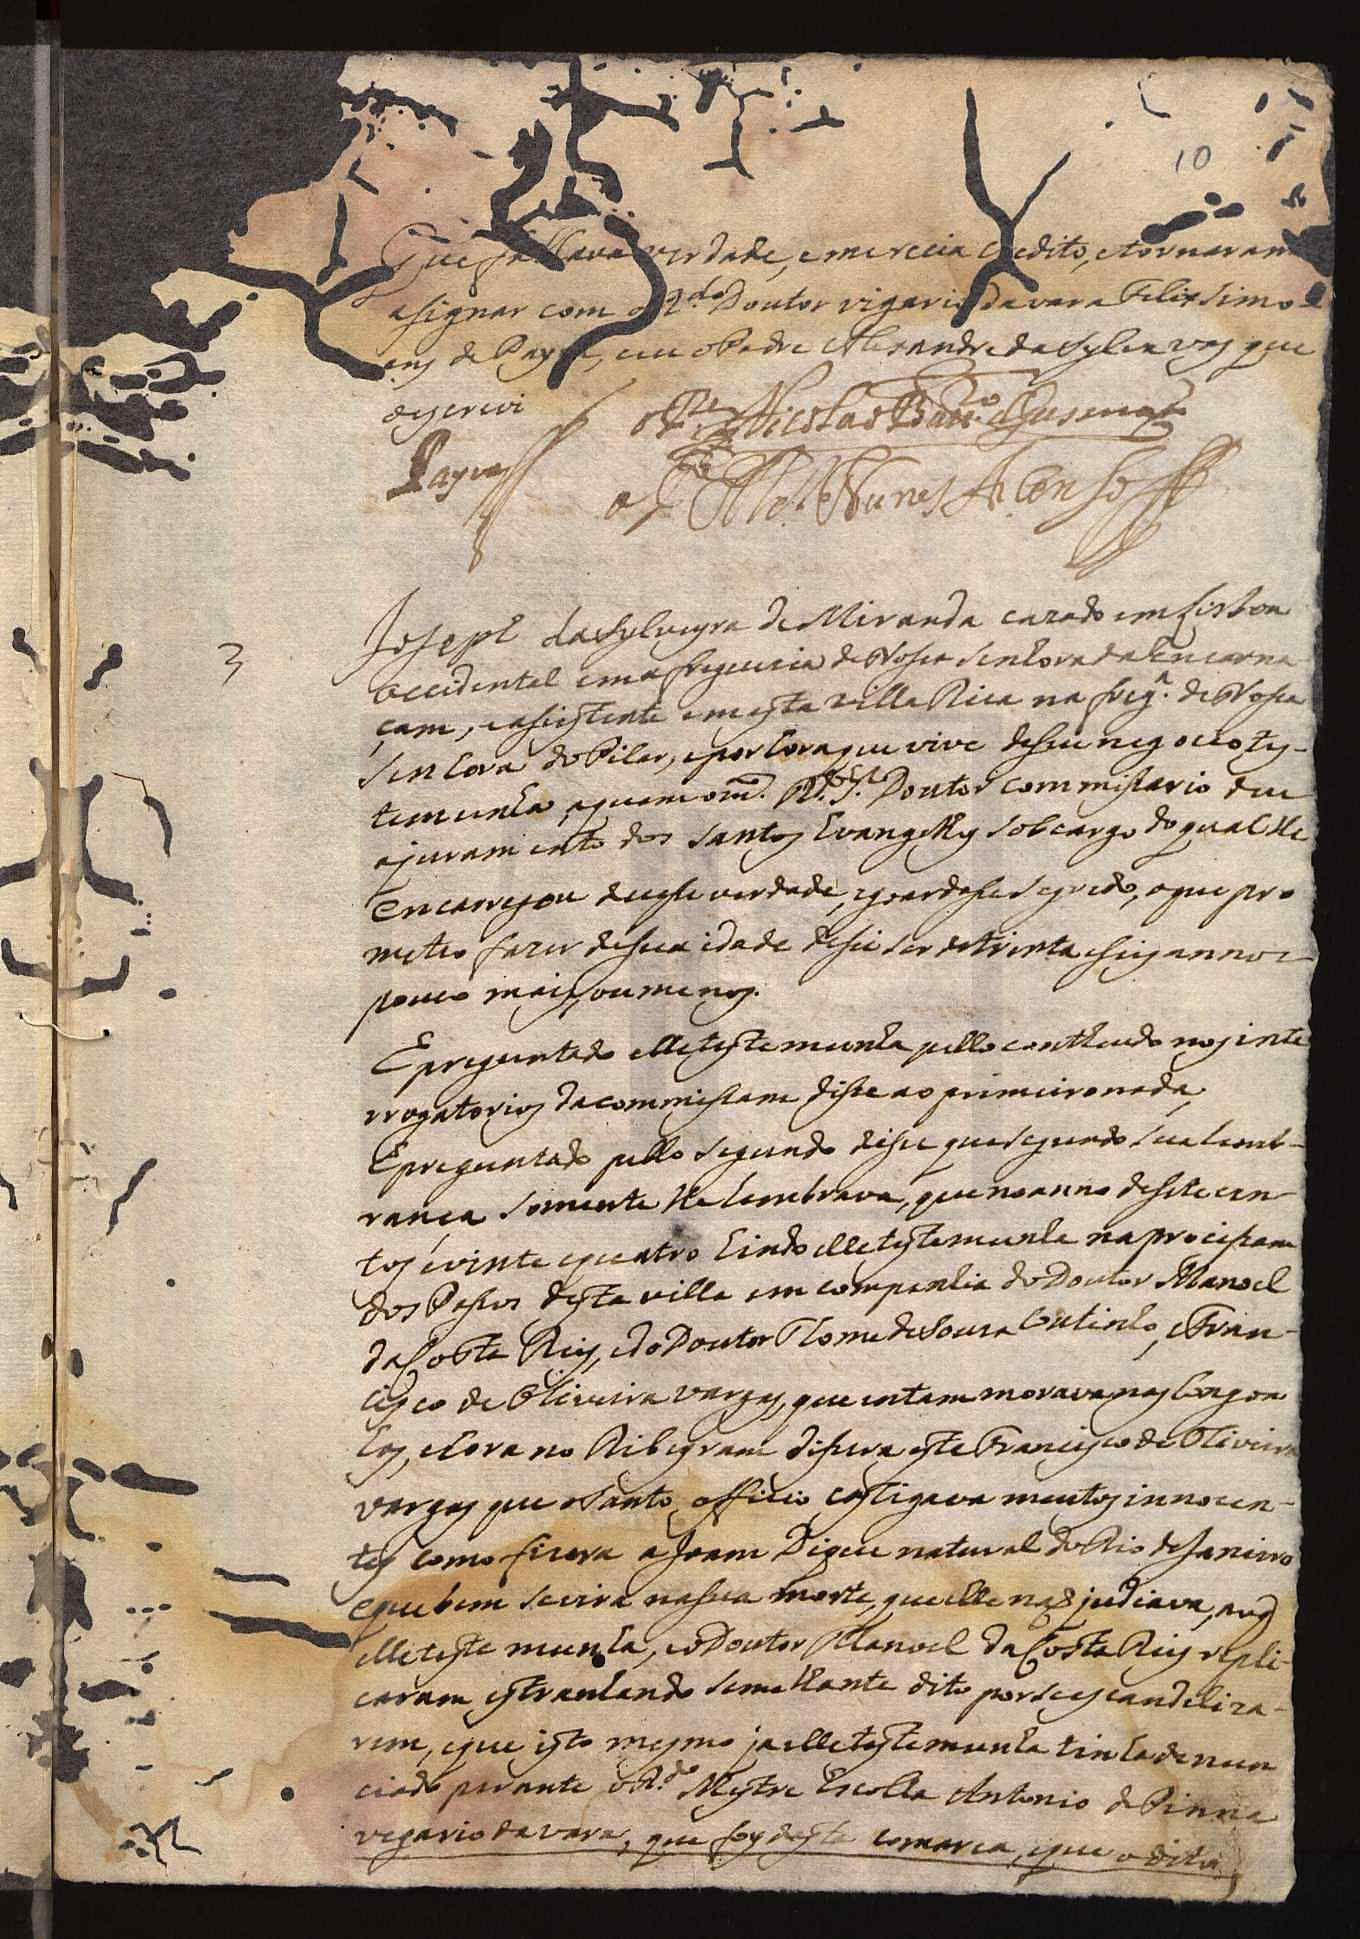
Que fallaua verdade, e merecia credito, e tornaram
asignar com o R.do Doutor vigario da vara Felix simo
ens de Pay_, e eu o Padre Alexandre da Sylva vas que
o escrevi
o P.e Nicolao Batt.to d Gusmaõ
Payva
o Pe Mel Nunes Ascenso
Jozeph da Sylueyra de Miranda cazado em Lisboa
occidental em a freguezia de Nossa senhora da Encarna
çam, e assistente em esta villa Rica na freg.a de Nossa
senhora do Pilar, e por hora que vive de seu negocio tes
temunha, a quem o m.to R.do S.r Doutor commissario deu
o juramento dos santos Evangelhos sob cargo do qual lhe
encarregou dicesse verdade, e goardasse segredo, o que pro
meteo fazer de sua idade disse ser de trinta e seis annos
pouco mais, ou menos.
E preguntado elle testemunha pello contheudo nos inte
rrogatorios da commissam disse ao primeiro nada,
E preguntado pello segundo disse que segundo sua lemb
rança somente lhe lembrava, que no anno de setecen
tos e vinte e quatro hindo elle testemunha na procissam
dos Passos desta villa em companhia do Doutor Manoel
da Costa Reis, e do Doutor Thome de Souza Coutinho, e Fran
cisco de Oliveira vargas, que entam morava nas Congon
has, e hora no Ribeyram dissera este Francisco de Oliveira
vargas que o santo officio castigava muitos innocen
tes como fizera a Joam Dique natural do Rio de Janeiro
e que bem se vira na sua morte, que elle naõ judiava, ao q̄
elle testemunha, e o Doutor Manoel da Costa Reis repli
caram estranhando semelhante dito por se escandeliza
rem, e que isto mesmo ja elle testemunha tinha denun
ciado perante o R.do Mestre Escolla Antonio de Pinna
vigario da vara, que foy desta comarca, e que o dito
